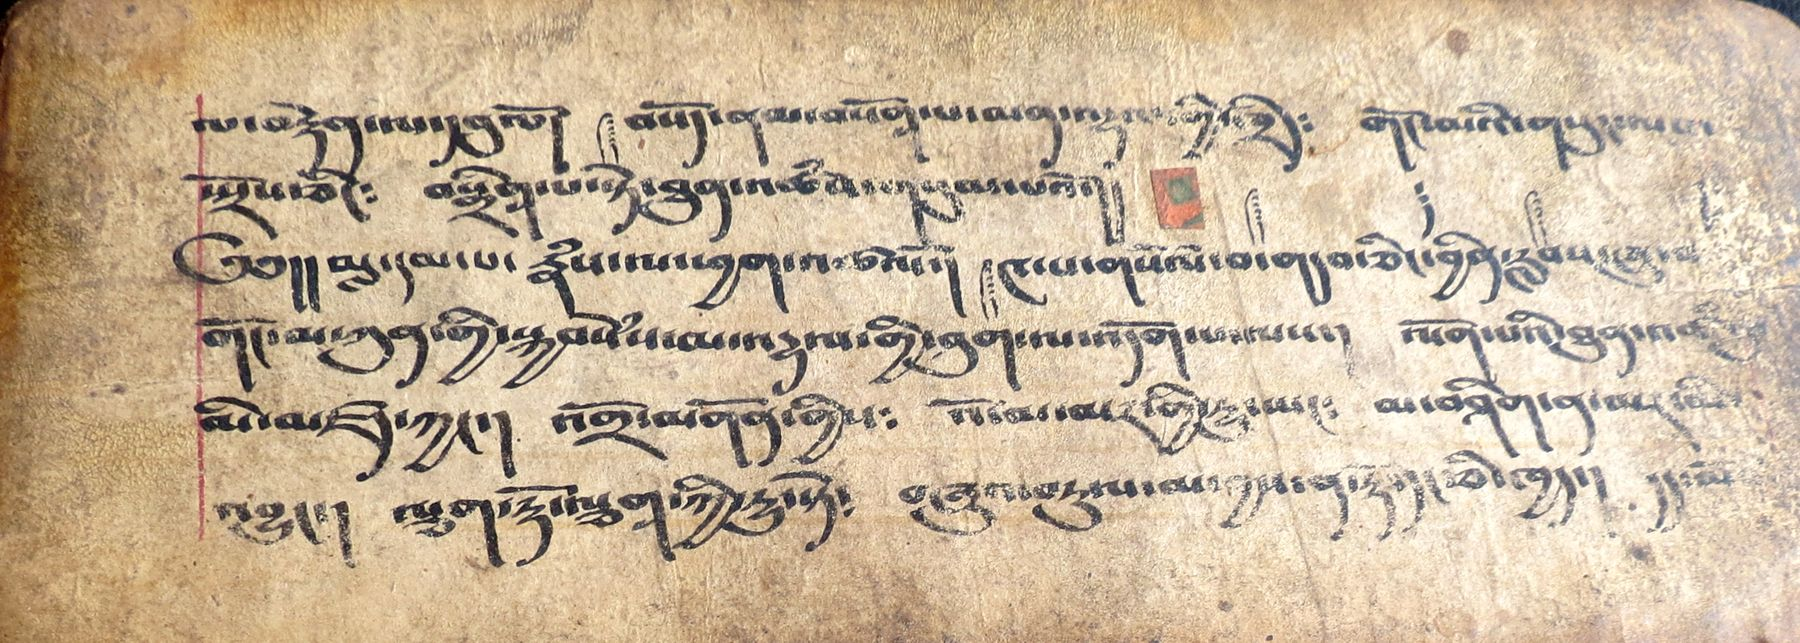ལ་བརྟེན་ལ་འབུལ་ལོ། ། བསོད་ནམས་སོགས་པ་མཎྜལ་གྱི་ཁྲིད་གོང་མའི་གསུང་ལས་
སྤྲོས་ཤིང་བསྒྲགས་པ་སྟེ་ཐུན་མཚམས་གསུམ་པའོ། 
། བླ་མ་དམ་པ་རྣམས་ལ་ཕྱག་འཚལ་ལོ། བཞི་པ་གསོལ་བ་གདབ་ཅིང་བྱིན་རླབས་ཞུ་བ། 
གོང་མ་ཀུན་གྱིས་སྐྱབས་སེམས་མ་འདལ་གྱི་ཐུགས་ལ་འདོགས་པ་ལས། ལོགས་ཀྱི་ཐུན་མཚམས་སུ་
མི་མཛད་ཀྱང་། འགྲོ་མགོན་གྱིས། འོ་མ་མར་གྱི་རྒྱུ་ཡིན་ཡང་། མ་བཤིག་ན་མར་མི་
འབྱུང་། ལྕགས་རྡོ་ལྕགས་ཀྱི་རྒྱུ་ཡིན་ཀྱང་གཞུ་བཏུལ་མ་བྱས་ན་རྡོ་དང་ཅི་ཁྱད། དད་མོས་